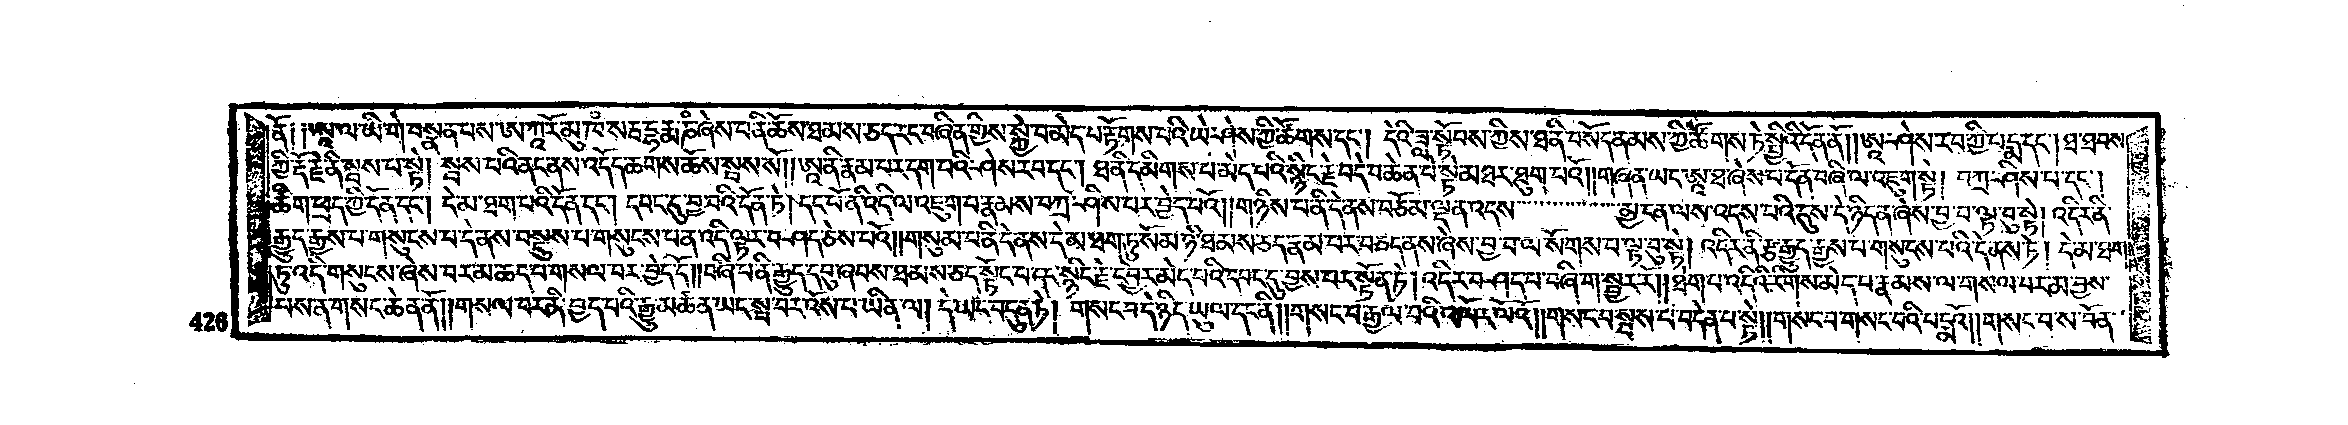ནོ། །ཨཱ་ལ་ཡི་གེ་བསྣན་པས་ཨ་ཀཱ་རོ་མུ་ཁཾ་སརྦ་དྷརྨ་ཎཾ་ཞེས་པ་ནི་ཆོས་ཐམས་ཅད་རང་བཞིན་གྱིས་སྐྱེ་བ་མེད་པ་རྟོགས་པའི་ཡེ་ཤེས་ཀྱི་ཚོགས་དང་། དེའི་ཟླ་སྟོབས་ཀྱིས་ཐ་ནི་བསོད་ནམས་ཀྱི་ཚོགས་ཏེ་སྤྱིའི་དོན་ནོ། །ཨཱ་ཤེས་རབ་ཀྱི་པདམ་དང་། ཐ་ཐབས་
ཀྱི་རྡོ་རྗེ་ནི་སྦས་པ་སྟེ། སྦས་པའི་ནང་ནས་འདོད་ཆགས་ཆོས་སྦས་སོ། །ཨཱ་ནི་རྣམ་པར་དག་པའི་ཤེས་རབ་དང་། ཐ་ནི་དམིགས་པ་མེད་པའི་སྙིང་རྗེ་བདེ་བ་ཆེན་པོ་སྟེ་མཐར་ཐུག་པའོ། །གཞན་ཡང་ཨཱ་ཐ་ཞེས་པ་དོན་བཞི་ལ་འཇུག་སྟེ། བཀྲ་ཤིས་པ་དང་།
ཚིག་ཕྲད་ཀྱི་དོན་དང་། དེ་མ་ཐག་པའི་དོན་དང་། དབང་དུ་བྱ་བའི་དོན་ཏེ། དང་པོ་ནི་འདི་ལ་འཇུག་པ་རྣམས་བཀྲ་ཤིས་པར་བྱེད་པའོ། །གཉིས་པ་ནི་དེ་ནས་བཅོམ་ལྡན་འདས་མྱ་ངན་ལས་འདས་པའི་དུས་དེ་ཉིད་ན་ཞེས་བྱ་བ་ལྟ་བུ་སྟེ། འདིར་ནི་
རྒྱུད་རྒྱས་པ་གསུངས་པ་དེ་ནས་བསྡུས་པ་གསུངས་པ་ན་འདི་ལྟར་བཤད་ཅེས་པའོ། །གསུམ་པ་ནི་དེ་ནས་དེ་མ་ཐག་ཏུ་སོམ་ཉི་ཐམས་ཅད་རྣམ་པར་བཅད་ནས་ཞེས་བྱ་བ་ལ་སོགས་པ་ལྟ་བུ་སྟེ། འདིར་ནི་རྩ་རྒྱུད་རྒྱས་པ་གསུངས་པའི་དེ་ནས་ཏེ། དེ་མ་ཐག་
ཏུ་འདི་གསུངས་ཞེས་བར་མ་ཆད་པ་གསལ་བར་བྱེད་དོ། །བཞི་པ་ནི་རྒྱུད་དབུ་ཞབས་ཐམས་ཅད་སྟོང་པ་དང་སྙིང་རྗེ་དབྱེར་མེད་པའི་དབང་དུ་བྱས་པར་སྟོན་ཏེ། འདིར་བཤད་པ་བཞི་ག་སྦྱར་རོ། །ཐེག་པ་འདིའི་རིགས་མེད་པ་རྣམས་ལ་གསལ་བར་མ་བྱས་
པས་ན་གསང་ཆེན་ནོ། །གསལ་བར་མི་བྱེད་པའི་རྒྱུ་མཚན་ཡང་ཁོ་ན་ཉིད་དང་ཡུལ་ཅན་གཉིས་བར་དུ་མ་ཆད་པ་མེད་པ་རོ་དང་ནི། །གསང་བ་རྒྱལ་བའི་འཁོར་ལོའོ། །གསང་བ་སྦས་པ་བདེན་པ་སྟེ། །གསང་བ་གསང་བའི་པདམའོ། །གསང་བ་ས་བོན་